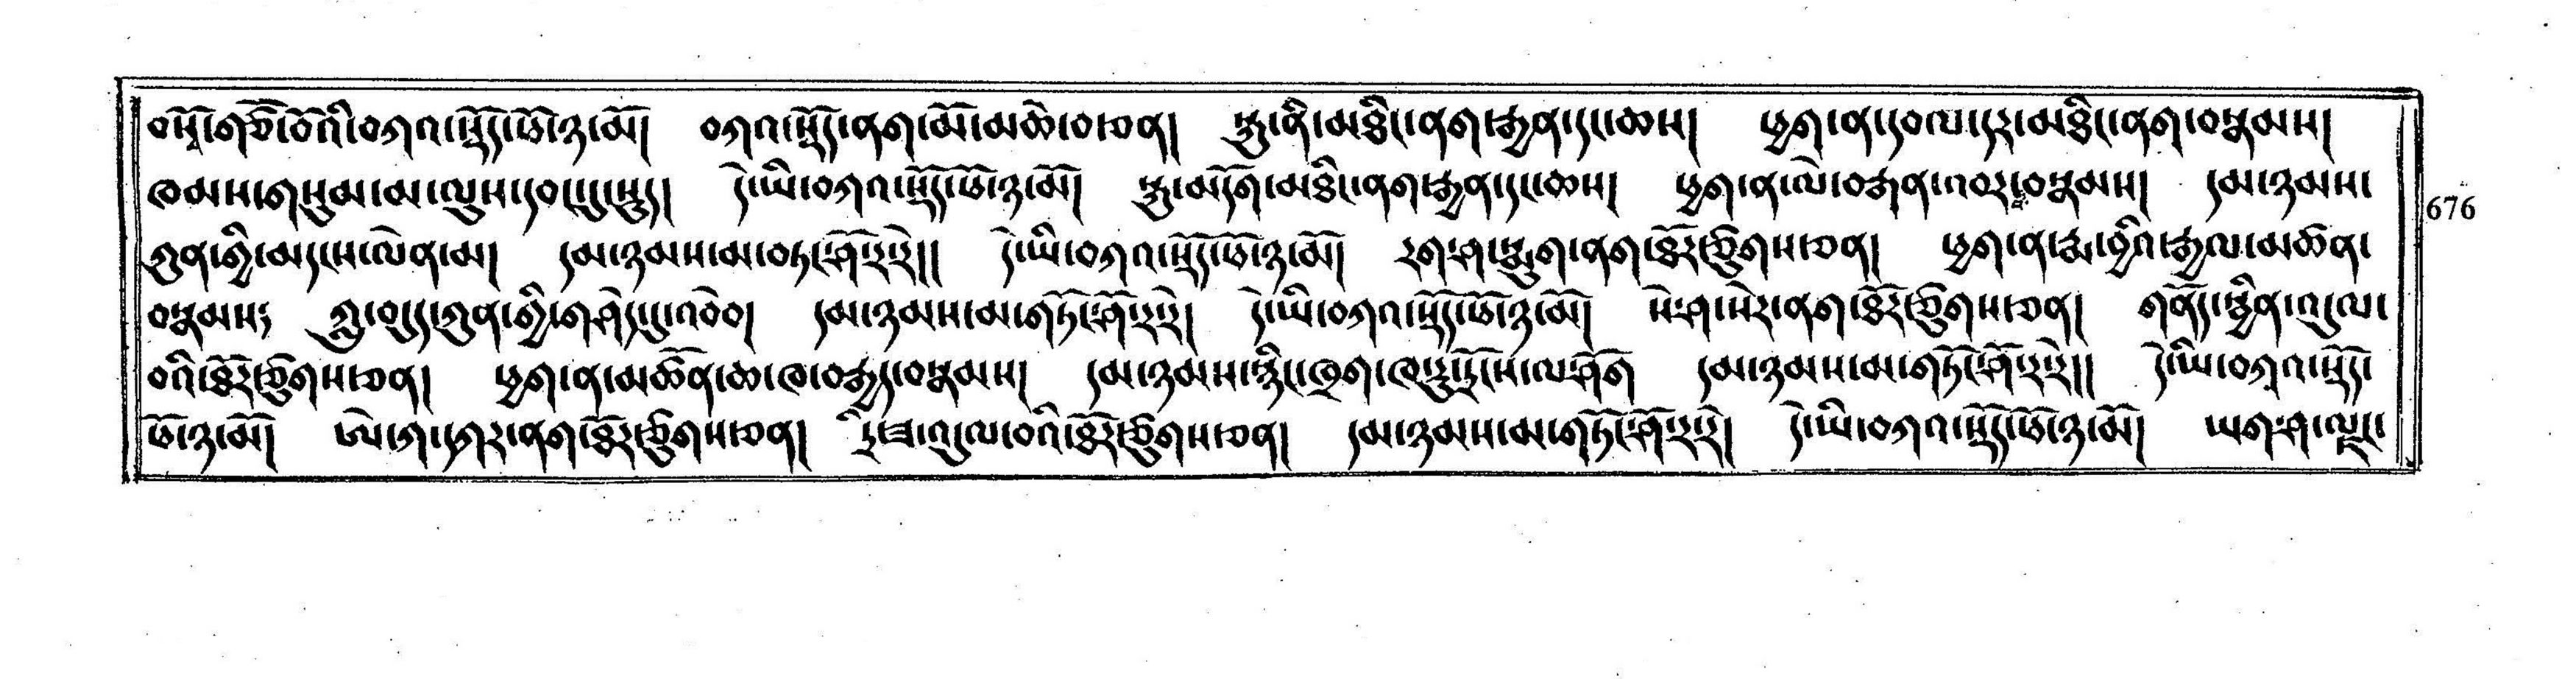བསྭོ་གཙོ་བོའི་བཀའ་སྡོད་ཕོ་ཉ་མོ། བཀའ་སྡོད་ནག་མོ་མཆེ་བ་ཅན། སྐུ་ནི་མཐིང་ནག་རྒྱན་དང་ཆས། ཕྱག་ན་དབལ་དར་མཐིང་ནག་བསྣམས། 
ཁམས་གསུམ་མ་ལུས་དབང་དུ་སྡུད། དེ་ཡི་བཀའ་སྡོད་ཕོ་ཉ་མོ། སྐུ་མདོག་མཐིང་ནག་རྒྱན་དང་ཆས། ཕྱག་ན་ལེ་བརྒན་འབར་བ་བསྣམས། དམ་ཉམས་
ཀུན་གྱི་མདངས་ལེན་མ། དམ་ཉམས་མ་བཏང་ཤོ་ར་རེ།། དེ་ཡི་བཀའ་སྡོད་ཕོ་ཉ་མོ། རག་ཤ་སྨུག་ནག་ཐོར་ཙུགས་ཅན། ཕྱག་ན་རྨ་བྱའི་རྒྱལ་མཚན་
བསྣམས། ཀླུ་བདུད་ཀུན་གྱི་གཤེད་དུ་འབེབ། དམ་ཉམས་མ་གཏོང་ཤོ་ར་རེ། དེ་ཡི་བཀའ་སྡོད་ཕོ་ཉ་མོ། སོ་ཤ་སེར་ནག་ཐོར་ཙུགས་ཅན། གནོད་སྦྱིན་འདུལ་
བའི་ཐོར་ཙུགས་ཅན། ཕྱག་ན་མཚོན་ཆ་ཁ་བརྒྱད་བསྣམས། དམ་ཉམས་སྙིང་ཁྲག་ཁ་རུ་དྲོངས་ལ་ཤོག དམ་ཉམས་མ་གཏོང་ཤོ་ར་རེ།། དེ་ཡི་བཀའ་སྡོད་
ཕོ་ཉ་མོ། ཨེ་ཀ་དཀར་ནག་ཐོར་ཙུགས་ཅན། དྲི་ཟ་འདུལ་བའི་ཐོར་ཙུགས་ཅན། དམ་ཉམས་མ་གཏོང་ཤོ་ར་རེ། དེ་ཡི་བཀའ་སྡོད་ཕོ་ཉ་མོ། ཡག་ཤ་ལྗང་